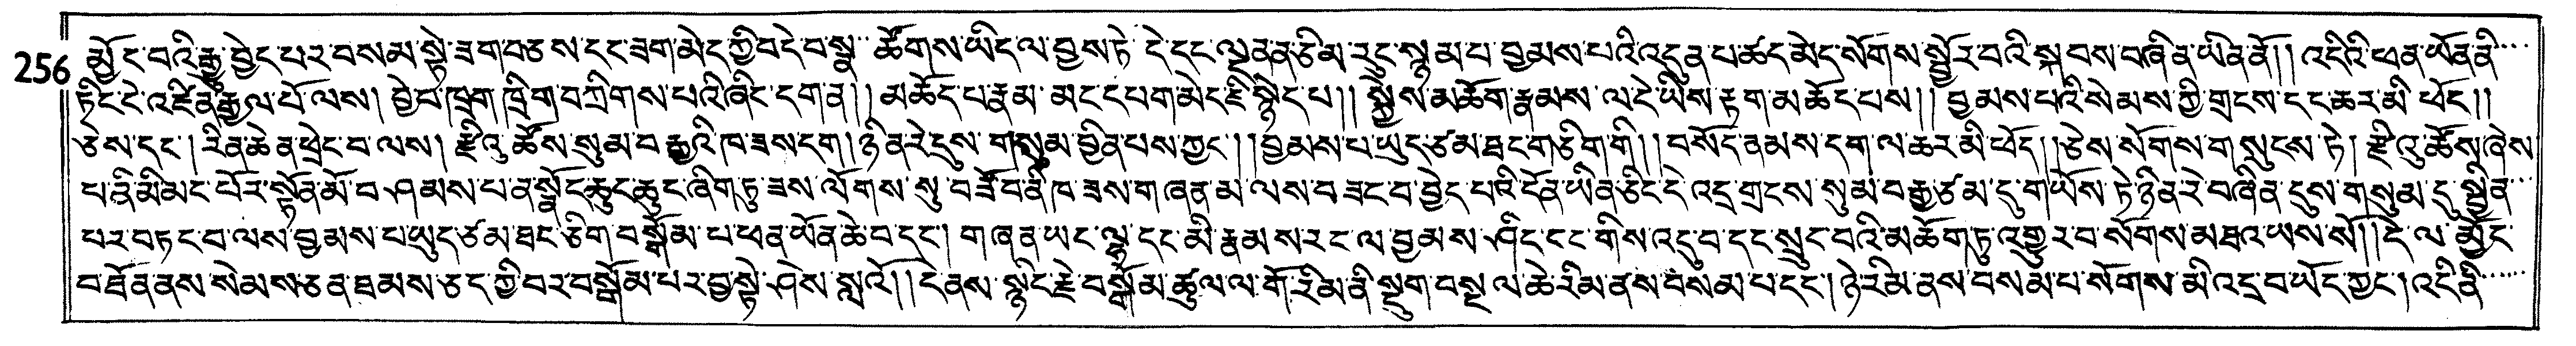མྱོང་བའི་རྒྱུ་བྱེད་པར་བསམ་སྟེ་ཟག་བཅས་དང་ཟག་མེད་ཀྱི་བདེ་བ་སྣ་ཚོགས་ཡིད་ལ་བྱས་ཏེ་དེ་དང་ལྡན་ན་ཅི་མ་རུང་སྙམ་པ་བྱམས་པའི་འདུན་པ་ཚད་མེད་སོགས་སྦྱོར་བའི་སྐབས་བཞིན་ཡིན་ནོ། །འདིའི་ཕན་ཡོན་ནི་
ཏིང་ངེ་འཛིན་རྒྱལ་པོ་ལས། བྱེ་བ་ཁྲག་ཁྲིག་བཀྲིགས་པའི་ཞིང་དག་ན། །མཆོད་པ་རྣམ་མང་དཔག་མེད་ཇི་སྙེད་པ། །སྐྱེས་མཆོག་རྣམས་ལ་དེ་ཡིས་རྟག་མཆོད་པས། །བྱམས་པའི་སེམས་ཀྱི་གྲངས་དང་ཆར་མི་ཕོང།།
ཅེས་དང་། རིན་ཆེན་ཕྲེང་བ་ལས། རྫིའུ་ཚོས་སུམ་བརྒྱའི་ཁ་ཟས་དག །ཉིན་རེ་དུས་གསུམ་བྱིན་པས་ཀྱང་། །བྱམས་པ་ཡུད་ཙམ་ཐང་གཅིག་གི། །བསོད་ནམས་དག་ལ་ཆར་མི་ཕོད། །ཅེས་སོགས་གསུངས་ཏེ། རྫིའུ་ཚོས་ཞེས་
པ་ནི་མི་མང་པོར་སྟོན་མོ་བཤམས་པ་ན་སྣོད་ཆུང་ཆུང་ཞིག་ཏུ་ཟས་ལོགས་སུ་བཟོ་བ་ནི་ཁ་ཟས་གཞན་མ་ལས་བཟང་བ་བྱེད་པའི་དོན་ཡིན་ཅིང་དེ་འདྲ་གྲངས་སུམ་བརྒྱ་ཙམ་དུ་གཡོས་ཏེ་ཉིན་རེ་བཞིན་དུས་གསུམ་དུ་སྦྱིན་
པར་བཏང་བ་ལས་བྱམས་པ་ཡུད་ཙམ་ཐང་ཅིག་བསྒོམ་པ་ཕན་ཡོན་ཆེ་བ་དང་། གཞན་ཡང་ལྷ་དང་མི་རྣམས་རང་ལ་བྱམས་ཤིང་དང་གིས་འདུ་བ་དང་སྲུང་བའི་མཆོག་ཏུ་འགྱུར་བ་སོགས་མཐའ་ཡས་སོ། །དེ་ལ་མྱོང་
བ་ཐོན་ནས་སེམས་ཅན་ཐམས་ཅད་ཀྱི་བར་བསྒོམ་པར་བྱ་སྟེ་ཤེས་སླའོ། །དེ་ནས་སྙིང་རྗེ་བསྒོམ་ཚུལ་ལ་གོ་རིམ་ནི་སྡུག་བསྔལ་ཆེ་རིམ་ནས་བསམ་པ་དང་། ཉེ་རིམ་ནས་བསམ་པ་སོགས་མི་འདྲ་བ་ཡོད་ཀྱང་། འདི་ནི་